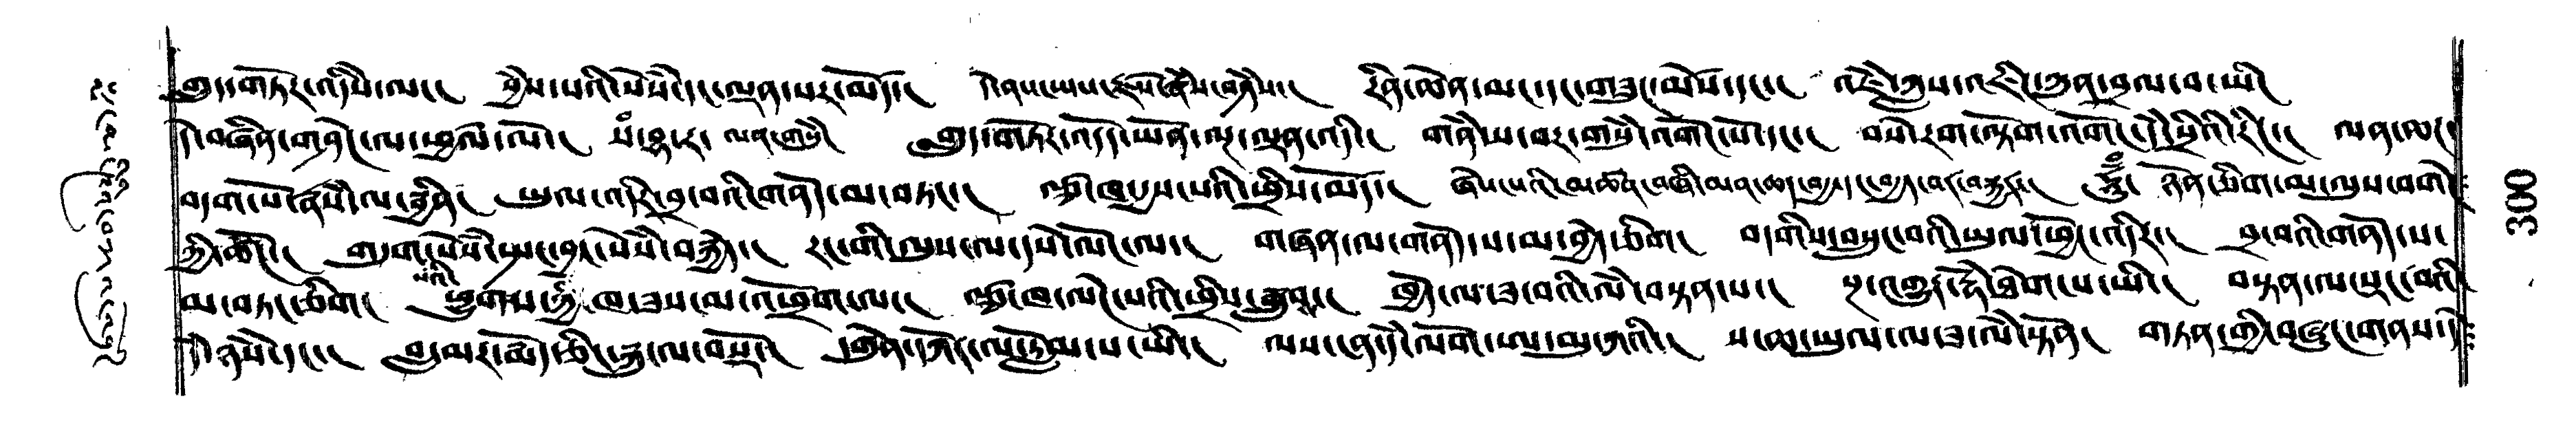གླུད་གཏོར་འདི་བཞེས་ལ། །བྱམས་པའི་སེམས་དང་ལྡན་པར་མཛོད།དེ་ནས་ཡས་རྫས་རྣམས་བཤམ། རིན་ཆེན་མང་དང་གཟུགས་མཛེས་དང་། །འབྱམས་ཀླས་འཇིགས་ཀུན་བྲལ་བ་ཡི། །
དེ་བཞིན་གཤེགས་ལ་ཕྱག་འཚལ་ལོ། སཾ་བྷ་ར༴ ལན་གསུམ། གླུད་གཏོར་འདོད་ཡོན་ལྔ་ལྡན་འདི། །གནམ་ས་བར་གསུམ་འགོང་པོ་དང་། །བསེ་རག་ལྟོགས་འགོང་དམ་སྲིའི་རིགས། །ལན་ཆགས་
བདག་པོ་རྣམས་ལ་སྦྱིན། །ཡུལ་འདིར་བྲ་བའི་གནོད་མ་གཏོང་། །རྩྭ་ཁ་རྒྱས་པའི་ཕྲིན་ལས་མཛོད། ཞེས་པའི་མཚན་བཞི་མན་ཆད་བརྒྱ་དང་བརྒྱད་བར་བསྐྱར། ཧཱུྃ། ཉོན་ཅིག་མ་ལུས་བགེགས་
ཀྱི་ཚོགས། །གདུག་པའི་སེམས་སྤོངས་བྱང་སེམས་བསྐྱེད། །རང་གི་ལུས་ལ་དཔེ་ལོངས་ལ། །གཞན་ལ་གནོད་པ་མ་བྱེད་ཅིག །བདག་གིས་སྲུང་བའི་ཡུལ་ཕྱོགས་འདིར། །བྲ་བའི་གནོད་པ་
མ་གཏོང་ཞིག །ཕྱུགས་ཀྱི་ཁ་ཟས་མ་འཕྲོག་ལ། །རྩྭ་ཁ་ལེགས་པའི་ཕྲིན་ལས་སྒྲུབས། ཁྱེད་ལ་ཟ་བའི་ལམ་བསྟན་པ། །སྔ་འགྱུར་རྡོ་རྗེ་ཐེག་པ་ཡི། །བསྟན་ལ་སྡང་བའི་
དམ་ཉམས་དང་། །བླ་མར་སྨོད་ཅིང་སྐུ་ལ་བསྡོ། །དགེ་འདུན་དཀོར་ལ་རློམ་པ་ཡི། །ལས་ངན་དམ་ལོག་ཨ་མུ་ཀའི། །ས་ཆ་ཡུལ་ལ་ཟ་ལམ་སྟོན། །གཏན་གྱི་བཞུགས་གནས་དེ་